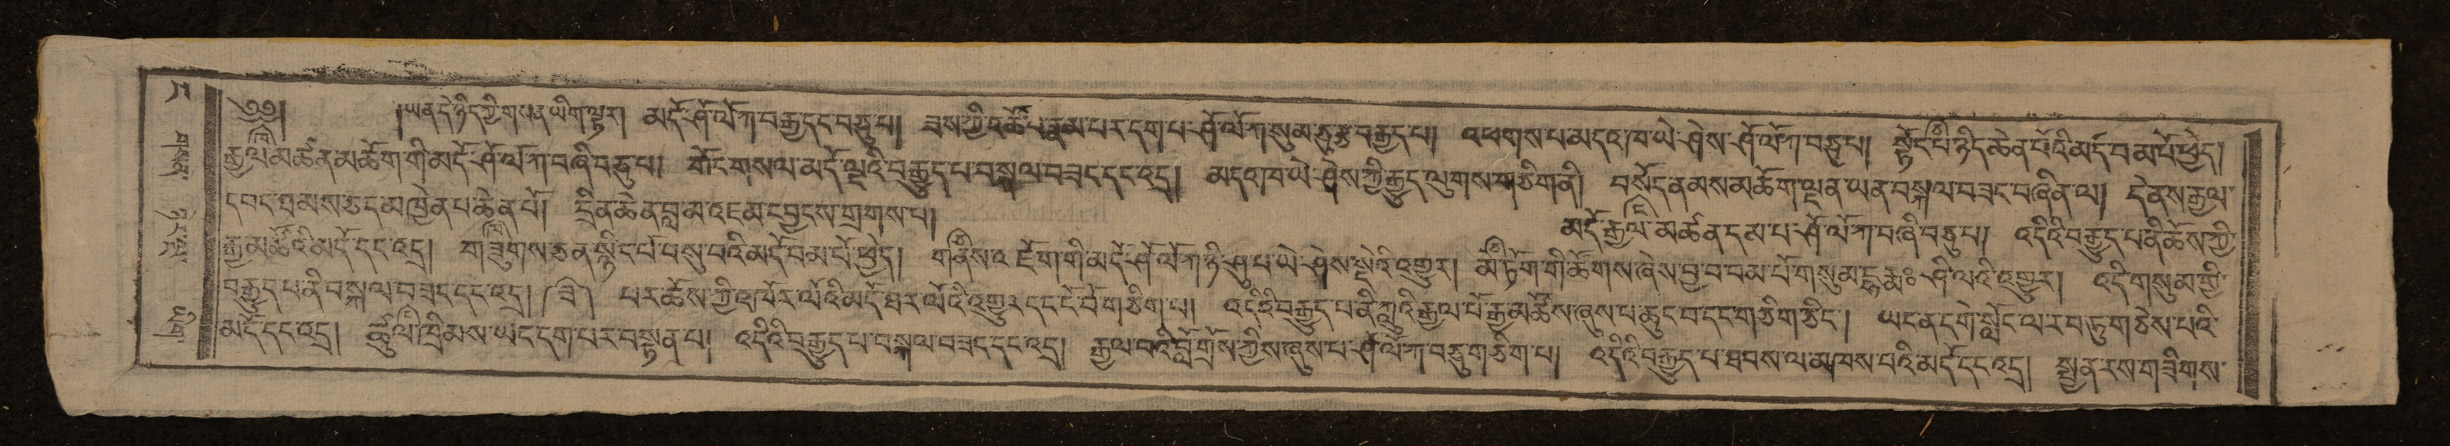༄༅། །ཡན་དེ་ཉིད་ཀྱི་གསན་ཡིག་ལྟར། མདོ་ཤོ་ལོ་ཀ་བརྒྱ་དང་བཅུ་པ། ཟས་ཀྱི་འཚོ་བ་རྣམ་པར་དག་པ་ཤོ་ལོ་གསུམ་ཅུ་རྩ་བརྒྱད་པ། འཕགས་པ་མདའ་ཁ་ཡེ་ཤེས་ཤོ་ལོ་གསུམ་ཅུ་རྩ་བརྒྱད་པ། འཕགས་པ་མདའ་ཁ་ཡེ་ཤེས་ཤོ་ལོ་ཀ་བཅུ་པ། སྟོང་པ་གཉིད་ཆེན་པོའི་མདོ་བ་མ་པོ་ཕྱེད་
རྒྱལ་མཚན་མཆོག་གི་མདོ་ཤོ་ལོ་ཀ་བཞི་བཅུ་བ། གོང་གསལ་མདོ་ལྡའི་བརྒྱུད་པ་བསྐལ་བཟང་དང་འདྲ། མདའ་བ་ཡེ་ཤེས་ཀྱི་རྒྱུད་ལུགས་གཅིག་ནི། བསོད་ནམས་མཆོག་ལྡན་ཡན་བསྐལ་བཟང་བཞིན་ལ། དེ་ནས་རྒྱལ་
དབང་ཐམས་ཅད་མཁྱེན་པ་ཆེན་པོ། དྲིན་ཆེན་བླ་མ་འཇམ་དབྱངས་གྲགས་པ། མདོ་རྒྱལ་མཚན་དམ་པ་ཤོ་ལོ་ཀ་བཞི་བཅུ་པ། འདིའི་བརྒྱུད་པ་ནི་ཆོས་ཀྱི་
རྒྱ་མཚོའི་མདོ་དང་འདྲ། གཟུགས་ཅན་སྙིང་པོ་བསུ་བའི་མདོ་བམ་པོ་ཕྱེད། གནས་འཇོག་གི་མདོ་ཤོ་ལོ་ཀ་ཉི་ཤུ་པ་ཡེ་ཤེས་སྡེའི་འགྱུར། མེ་ཏོག་གི་ཚོགས་ཞེས་བྱ་བ་མ་པོ་གསུམ་དྷརྨཿཤི་ལའི་འགྱུར། འདི་གསུམ་གྱི་
བརྒྱུད་པ་ནི་བསྐལ་བཟང་དང་འདྲ། {ཟ}་པར་ཆོས་ཀྱི་འཁོར་ལོའི་མདོ་ཐར་ལོའི་འགྱུར་དང་ངོ་བོ་གཅིག་པ། འདིའི་བརྒྱུད་པ་ནི་ཀླུའི་རྒྱལ་པོ་རྒྱ་མཚོས་ཞུས་པ་ཆུང་བ་དང་གཅིག་ཅིང་། ཡང་ན་དགེ་སློང་ལ་རབ་ཏུ་གཅེས་པའི་
མདོ་དང་འདྲ། ཚུལ་ཁྲིམས་ཡང་དག་པར་བསྟན་པ། འདིའི་བརྒྱུད་པ་བསྐལ་བཟང་དང་འདྲ། རྒྱལ་བའི་བློ་གྲོས་ཀྱིས་ཞུས་པ་ཤོ་ལོ་ཀ་བཅུ་གཅིག་པ། འདིའི་བརྒྱུད་པ་ཐབས་ལ་མཁས་པའི་མདོ་དང་འདྲ། སྤྱན་རས་གཟིགས་